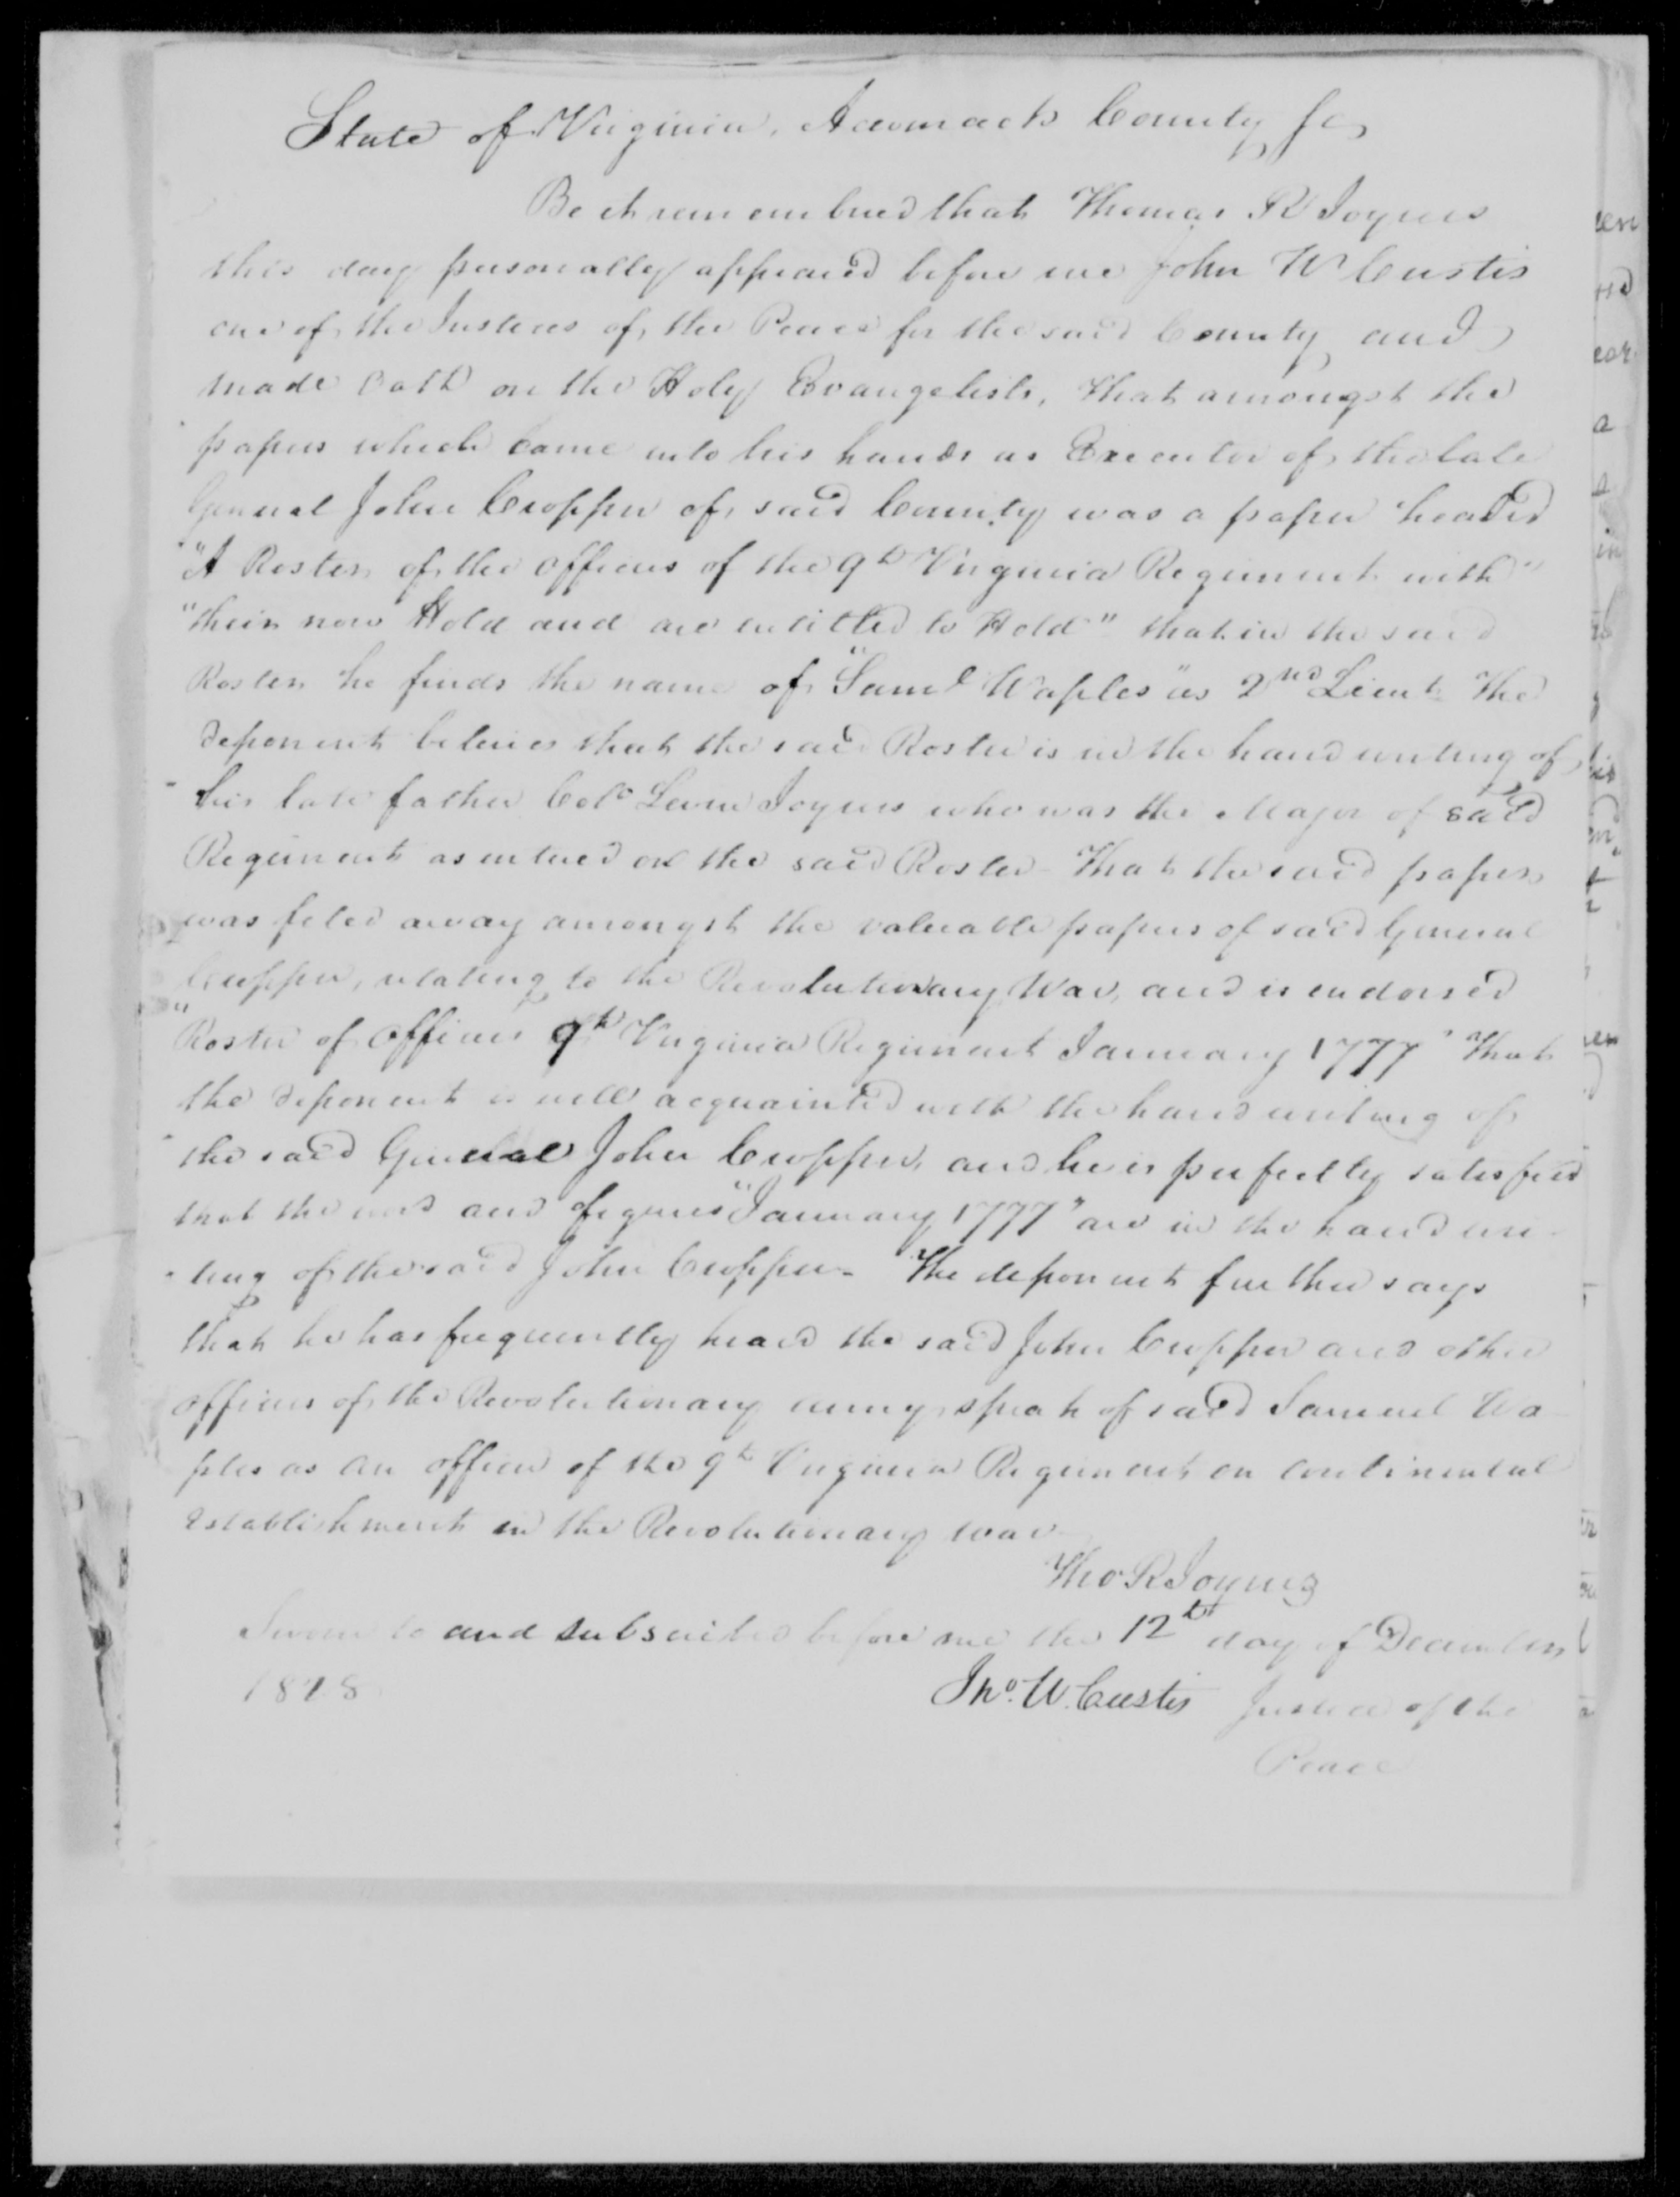State of Virginia, Accomack County ss
Be it remembered that Thomas R Joynes
this day personally appeared before me John W Curtis one of the Justices of the Peace for the said County and made oath on the Holy Evangelist, that amongst the papers which came into his hands as Executor of the late
General John Cropper of said County was a paper headed "A Roster of the officers of the 9th Virginia Regiment" with their now Hold and are entitled to Hold, that in the said
Roster he finds the name of "Saml Waples" as 2nd Lieut. The deponent believes that the said Roster is in the hand writing of his late father Col. Levin Joynes who was the Major of said
Regiments as entered on the said Roster. That the said paper was filed away amongst the valuable papers of said General Cropper, relating to the Revolutionary War, and endorsed "Roster of Officers 9th Virginia Regiment January 1777". That the deponent is well acquainted with the hand writing of
the said General John Cropper, and he is perfectly satisfied that the names of offices "January 1777" are in the hand writing of the said John Cropper-the deponent further says
that he has frequently heard the said John Cropper and other officers of the Revolutionary army speak of said Samuel Waples as an officer of the 9th Virginia Regiment on Continental Establishment in the Revolutionary war.
Tho R Joynes
Sworn to and subscribed before me the 12th day of December 1878
Jno W. Custis Justice of the Peace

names: John Cropper, Saml Waples, Thomas R Joynes, Roster, Samuel Waples, Levin Joynes, Cropper, John Cropper, Tho R Joynes, A Roster, Roster, John Cropper, John Cropper, Jno W Custis, Roster, Roster, John W Custis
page: 37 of 59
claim: widow's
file: W. 6427, Samuel Waples, Va.